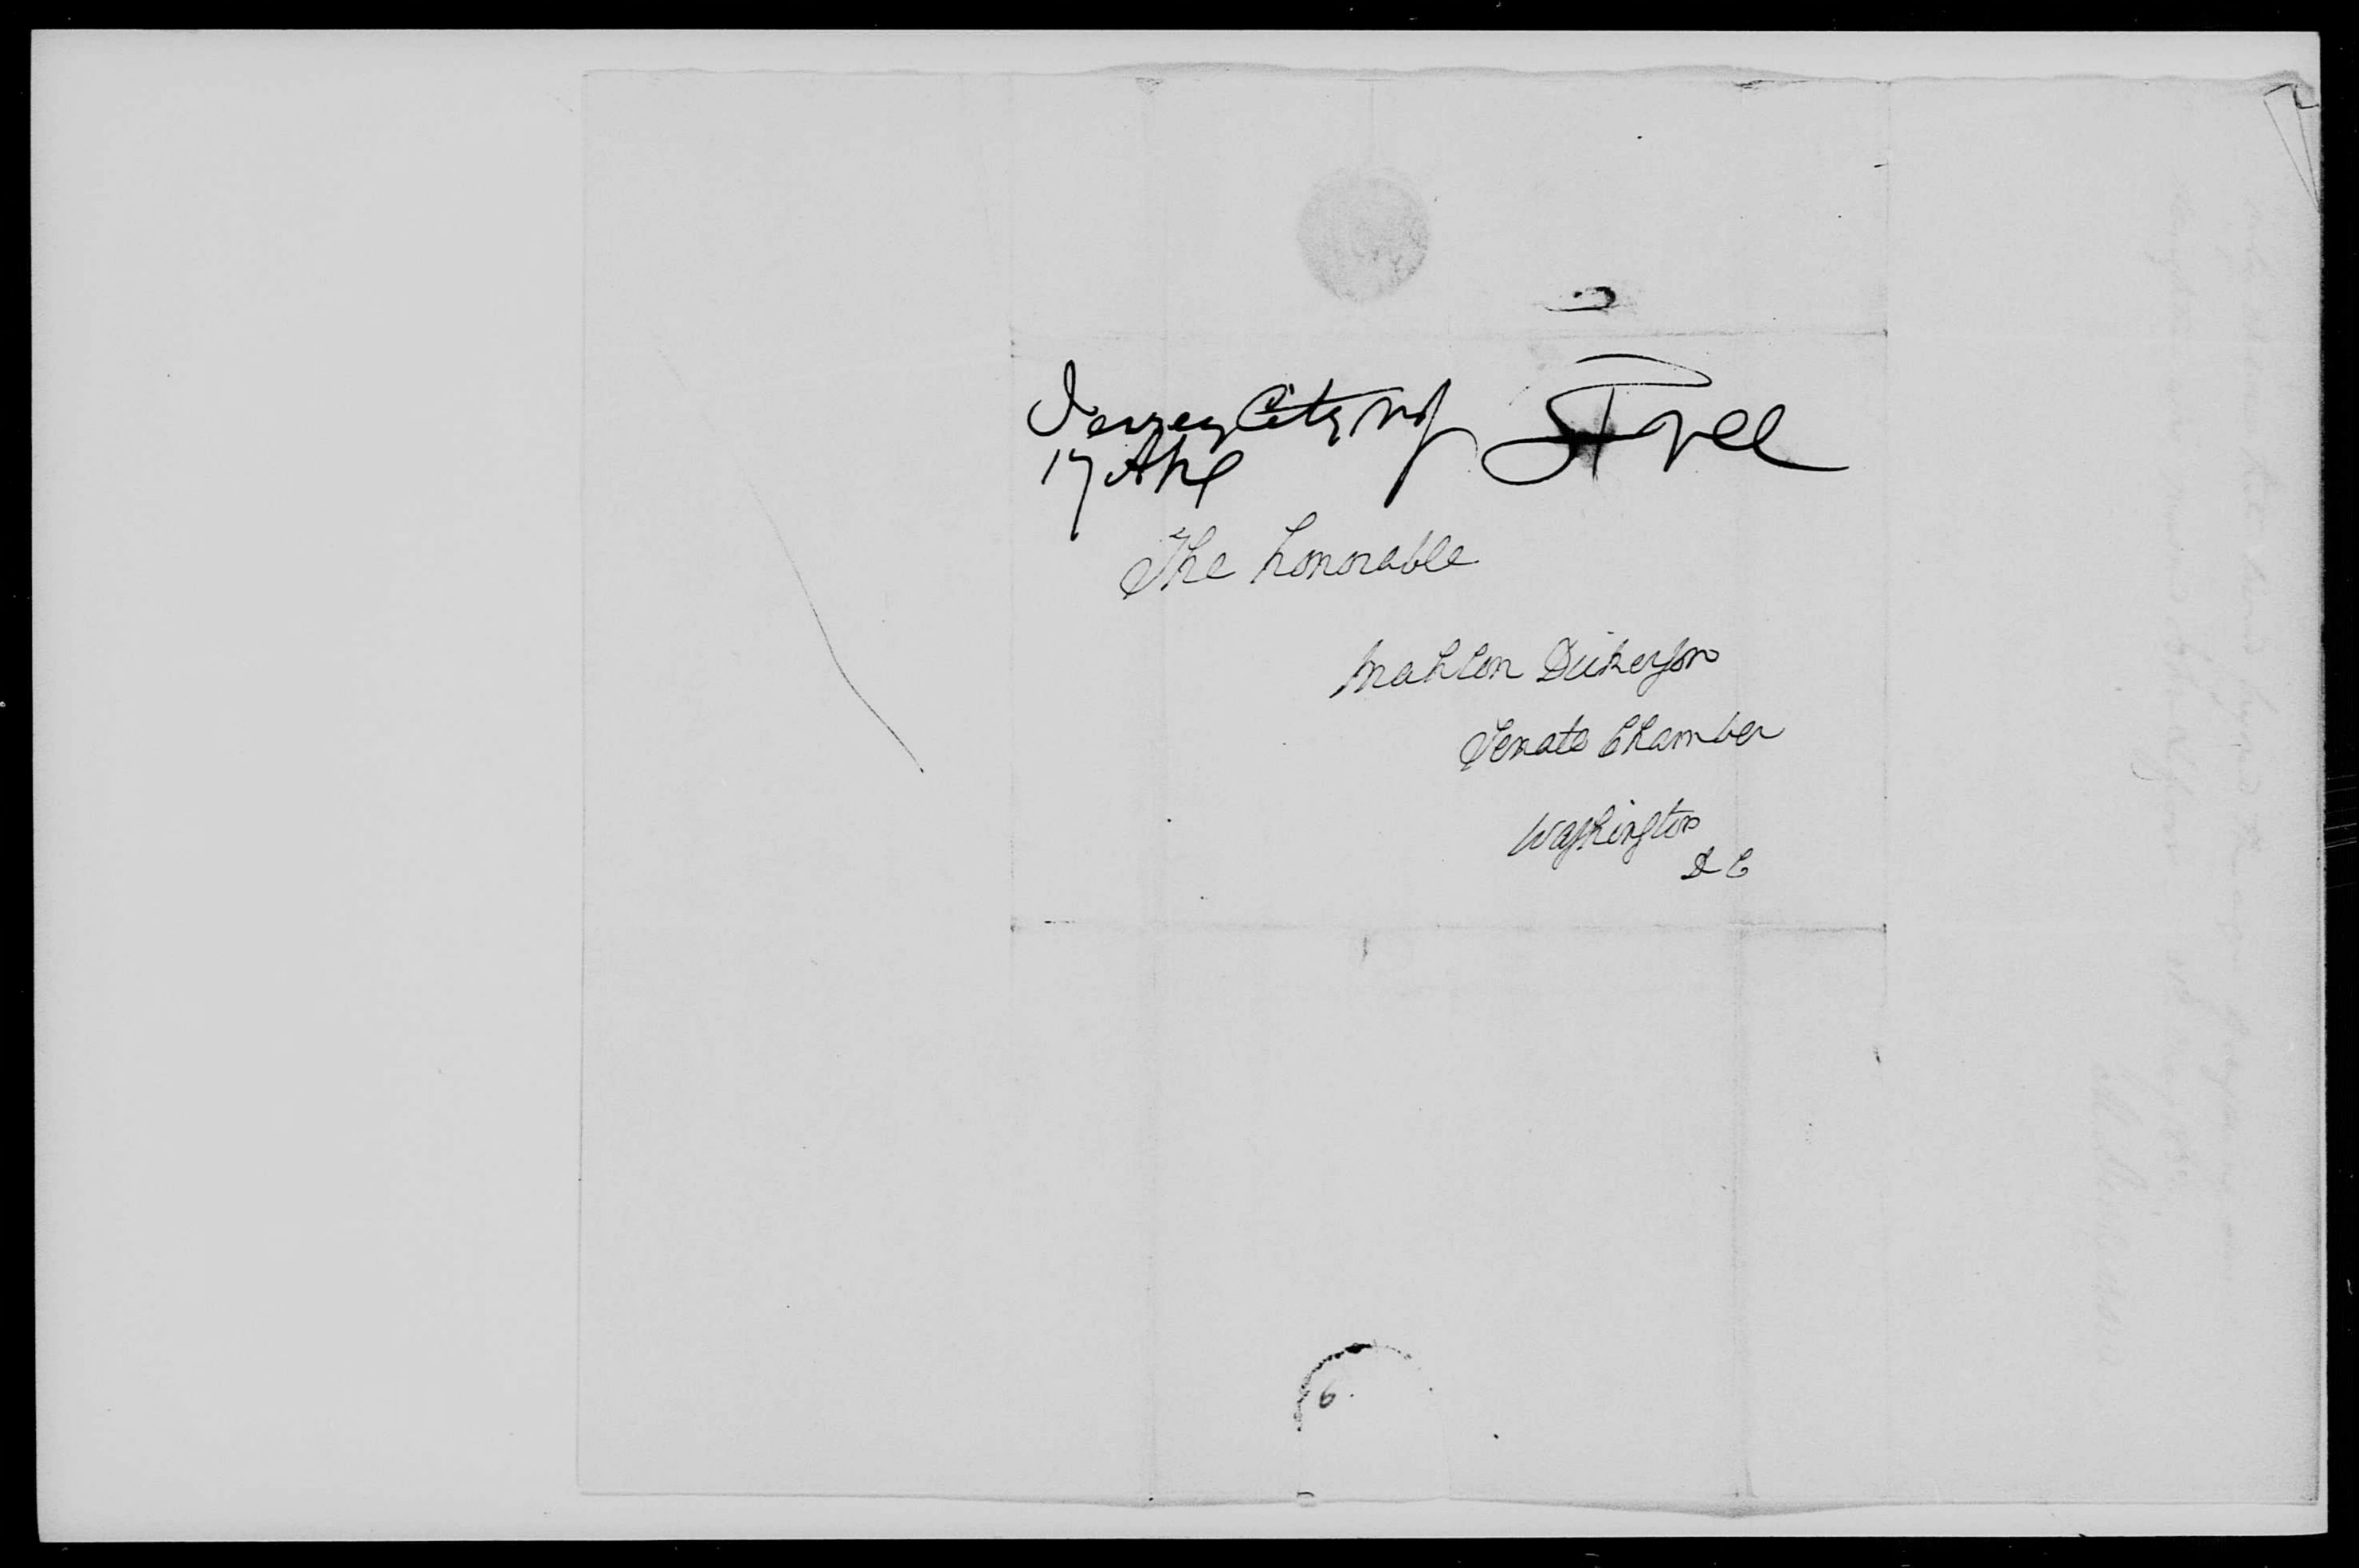Jersey City NJ [illegible]
17 Ahl
The honorable  Mahlon Dickerson 
Senate Chamber
Washington DC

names: Mahlon Dickerson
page: 6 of 15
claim: bounty land warrant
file: B. L. Wt. 1849-200, Aaron Day, New Jersey